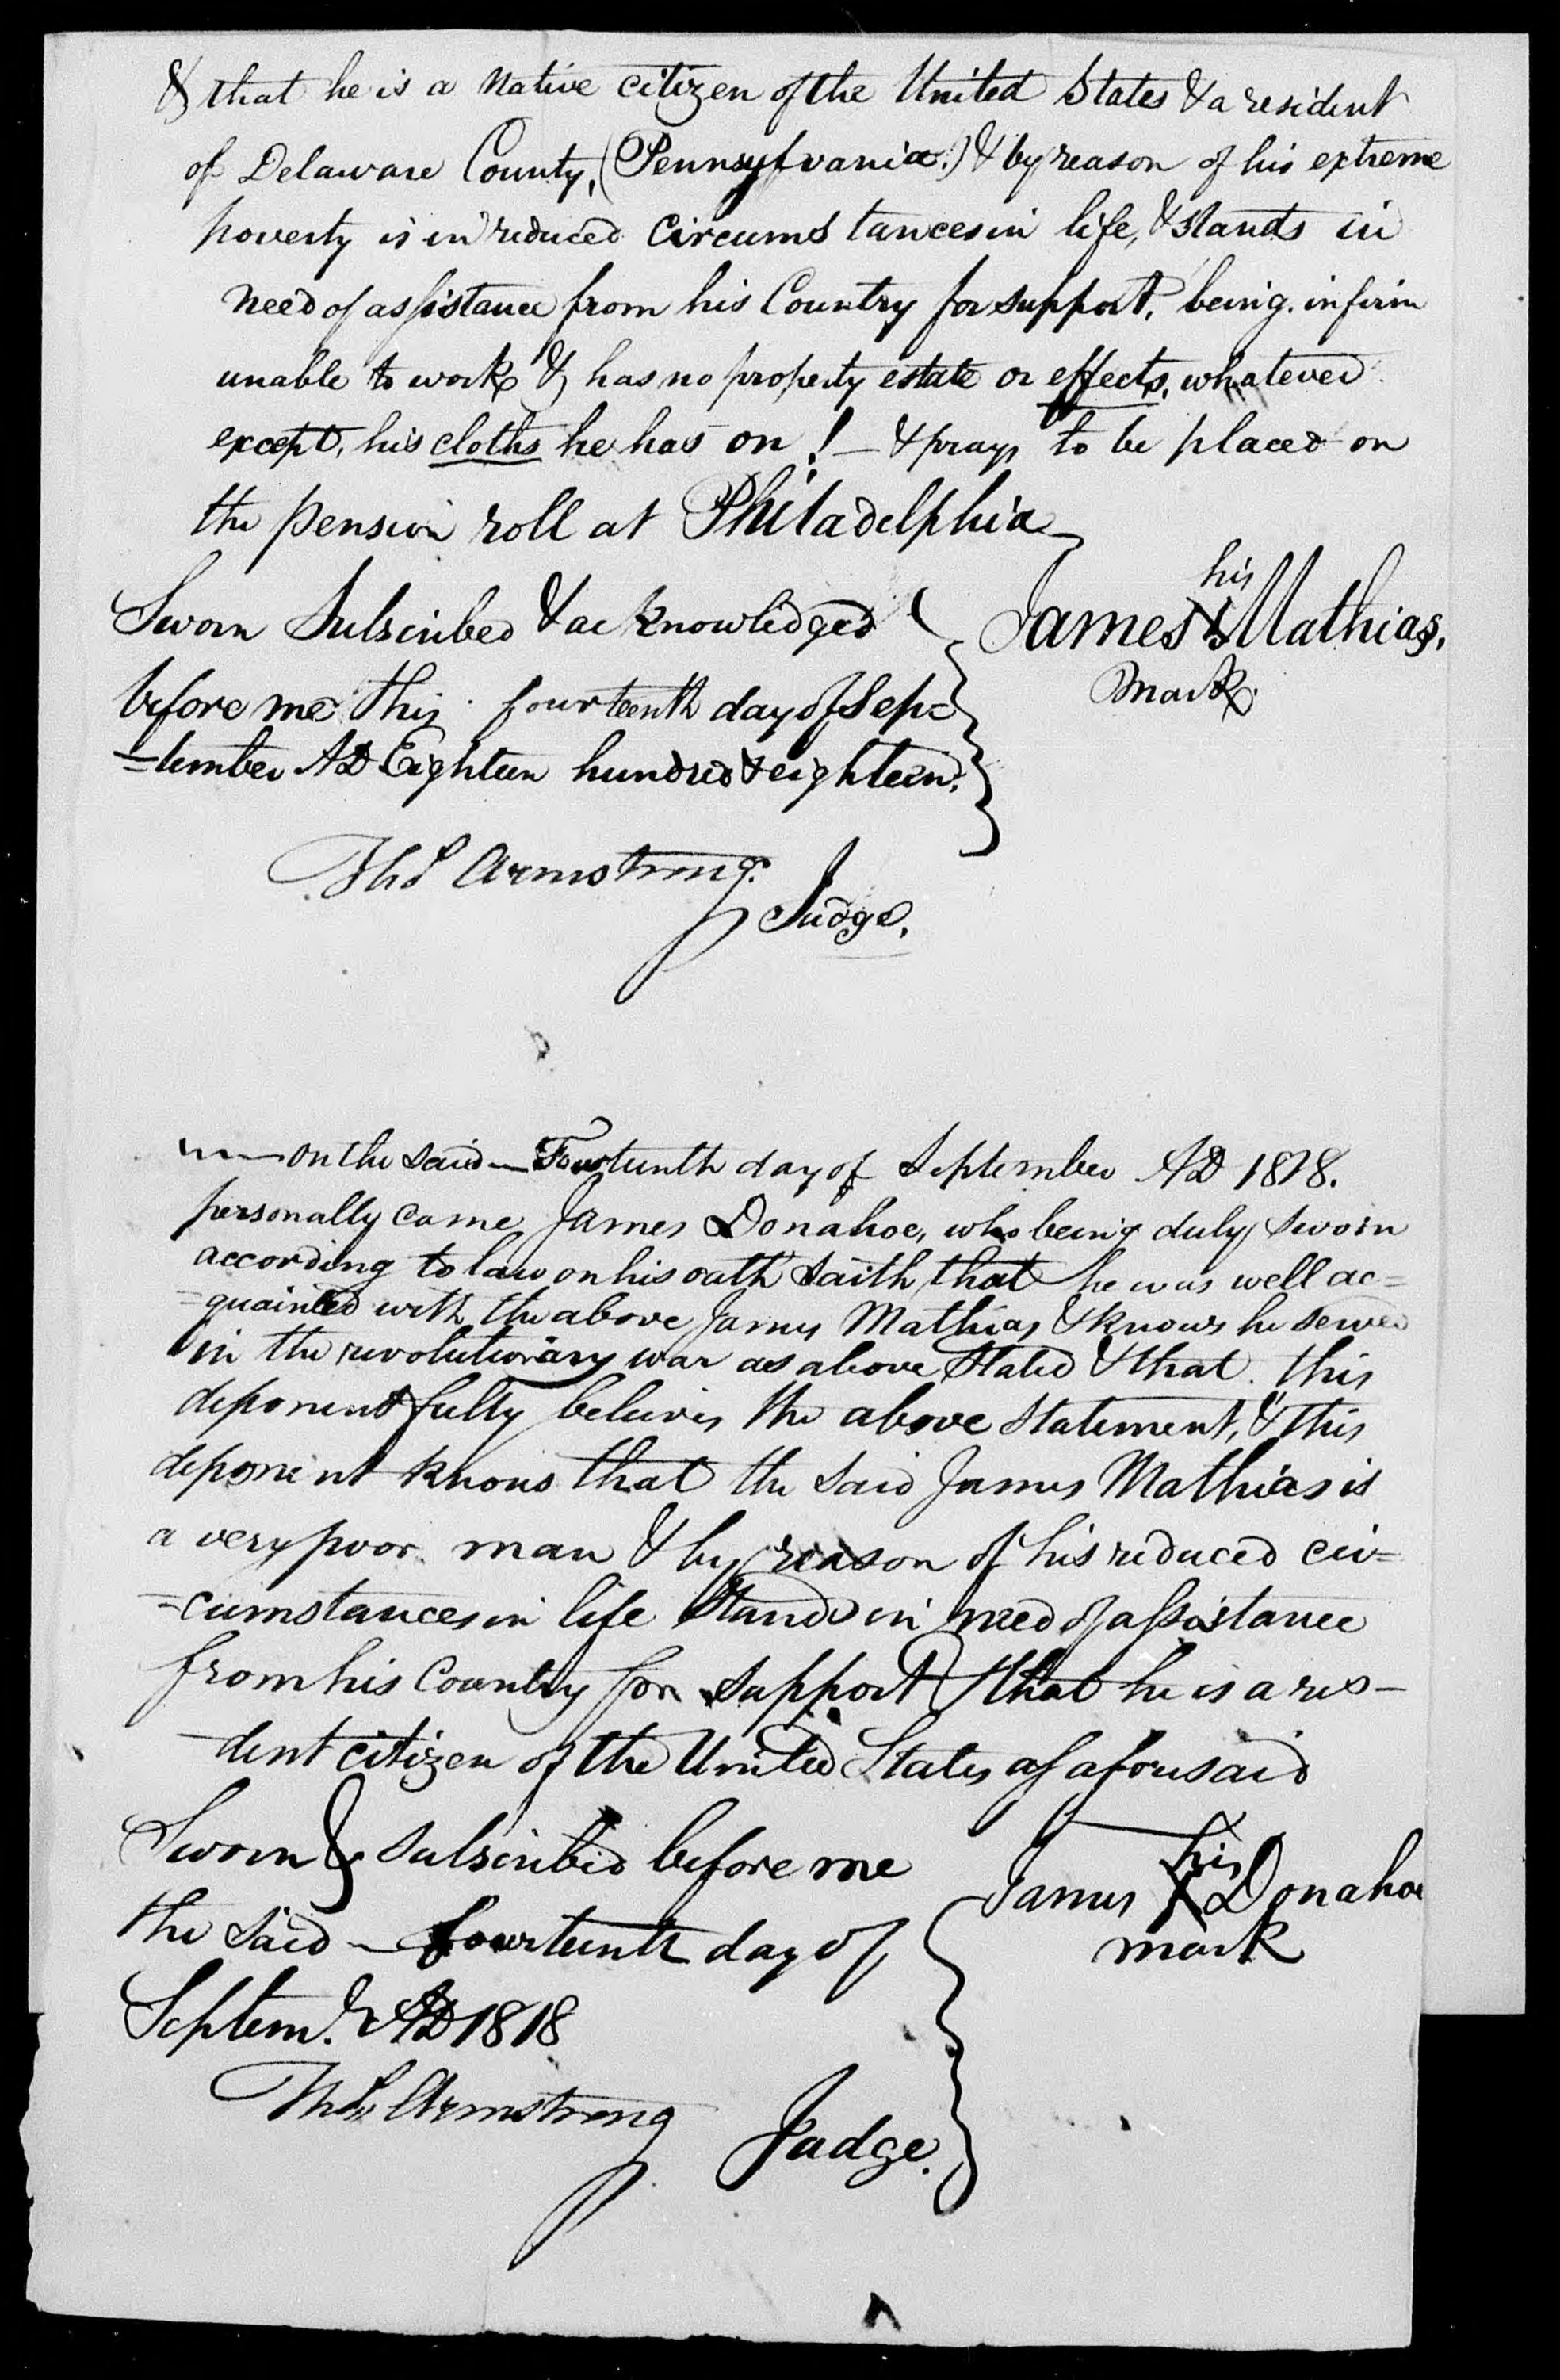& that he is a native citizen of the United States & a resident of Delaware County, Pennsylvania, & by reason of his extreme
poverty is in reduced circumstances in life, & stands in need of assistance from his Country for support, being infirm unable to work & has no property estate or effects whatever except his cloths he has on! & prays to be placed on
the pension roll at Philadelphia

His
James x Mathias
Mark
Sworn Subscribed & acknowledged before
me this fourteenth day of September
 AD Eighteen hundred & eighteen,
Thos Armstrong
Judge

on the said Fourteenth day of September AD 1818. personally came James Donahoe, who being duly sworn according to law on his oath saith that he was well acquainted with the above James Mathias & knows he served
in the revolutionary war as above stated & that this deponent fully believes the above statement, & this deponent knows that the said James Mathias is a very poor man & by reason of his reduced circumstances in life stands in need of assistance from his country for support that he is a resident citizen of the United States of aforesaid
his
James x  Donahoe
mark
Sworn & Subscribed before me
the said fourteenth day of
Septem AD 1818
Thos. Armstrong, Judge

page: 5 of 20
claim: survivor's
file: S. 40,119, for James Mathias, Maryland